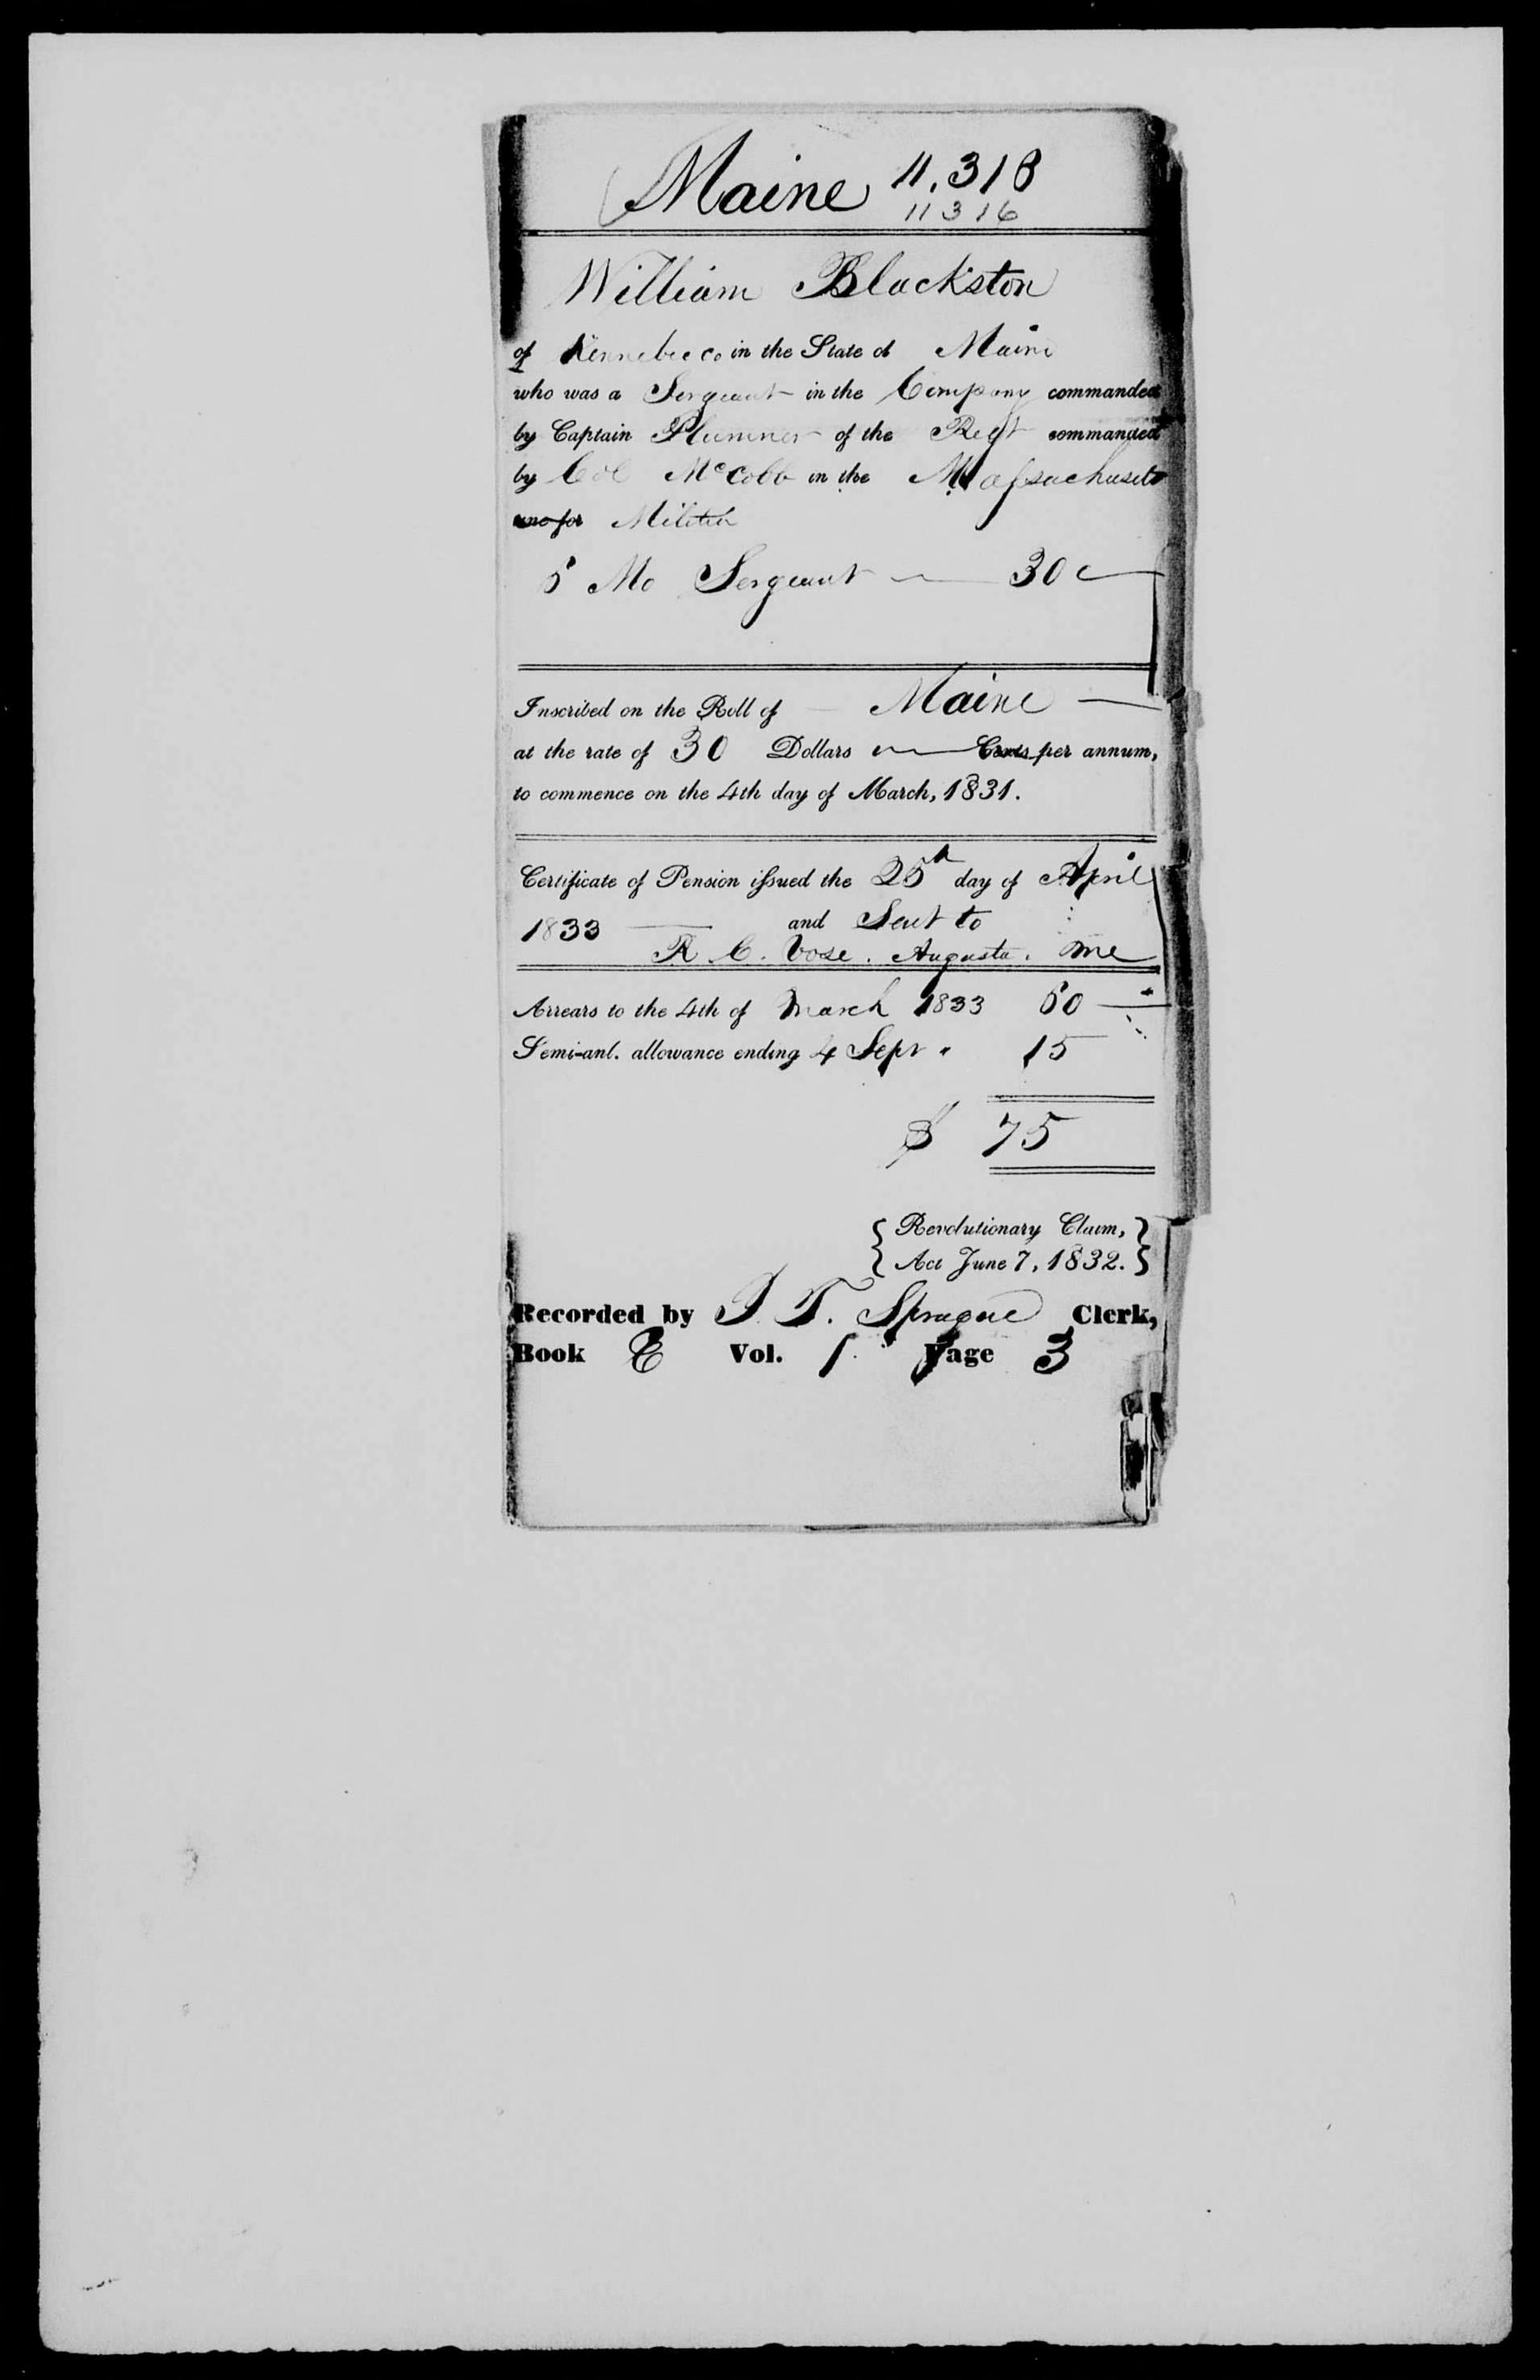Maine 11.318
11316
Willaim Blackston
of Kennebec co in the State of Maine
who was a Sergeant in the Company commanded
by Captain Plummer of the Regt commanded
by Col McCobb in the Massachusetts
[crossed out: one for] Militia
6 Mo Sergeant  30

Inscribed on the Roll of Maine
at the rate of 30 Dollars [crossed out: Cents] per annum,
to commence on the 4th day of march, 1831.

Certificate of Pension issued the 25th day of April
1833 -- and Sent to
R. C. Vose  Augusta Me

Arrears to the 4th of March 1833  60 -----
Semi-anl. allowance ending 4 Sepr.  15
$75

{Revolutionary Claim,}
{Act June 7, 1832.}
Recorded by J. T. Sprague Clerk,
Book E Vol. 1 Page 3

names: William Blackston, Mc Cobb, J T Sprague, Plumner, R C Vose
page: 2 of 14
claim: survivor's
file: S. 30,869, William Blackston, Mass.